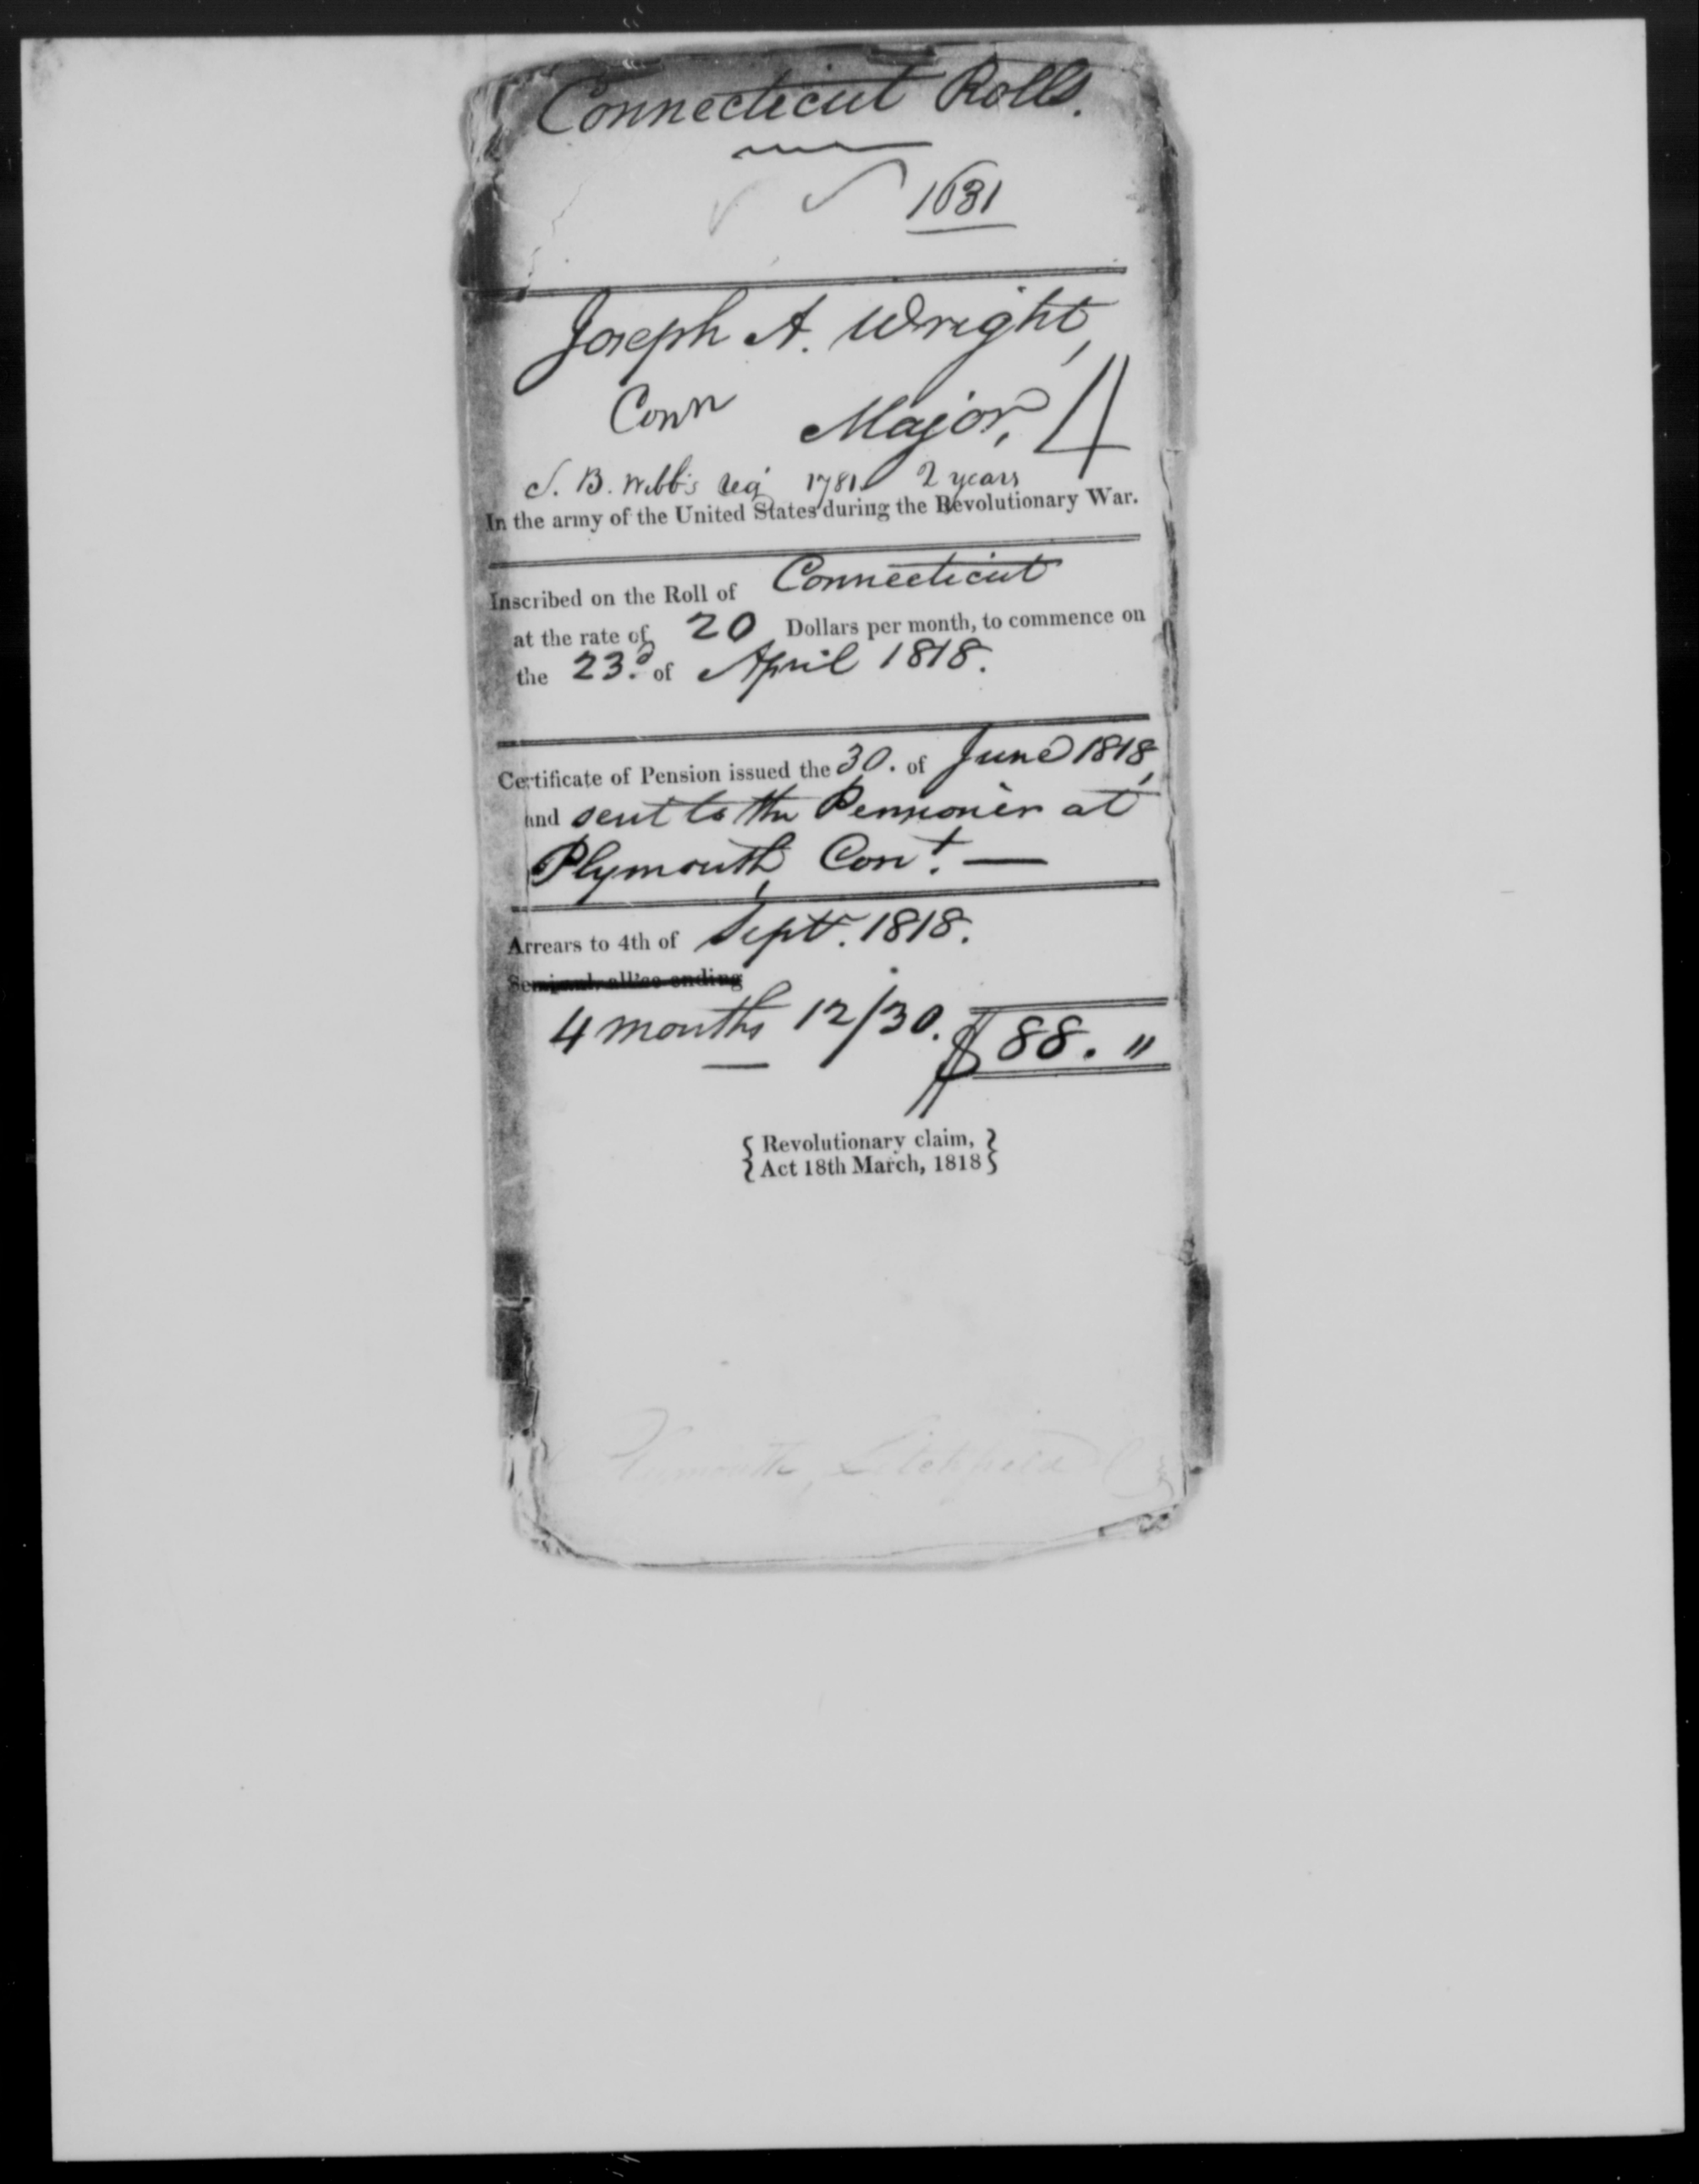Connecticut Rolls
------------
1631
--------------------------------------
Joseph A Wright, 
Conn
Major, 4

J. B. Webb's Reg' 1781    2 years
In the army of the United states during the  Revolutionary War.
__________________________________________________Inscribed on the Roll of Connecticut 
at the rate of 20 Dollars per month, to commence on the 23d of April 1818.
----------------------------------------------
Certificate of Pension issued the 30 of June 1818, and sent to the Pensioner at Plymouth Cont.
-------------------------------------------------
Arrears to 4th Sept. 1818
4 months 12/30.               --------------------
                                             $88.11
                                           --------------------
{Revolutionary claim}
{Act 18th March, 1818}


Plymouth, Litchfield, Ct.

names: Joseph A Wright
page: 2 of 13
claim: survivor's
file: S. 36855, Joseph Allyn Wright, Conn. Continental